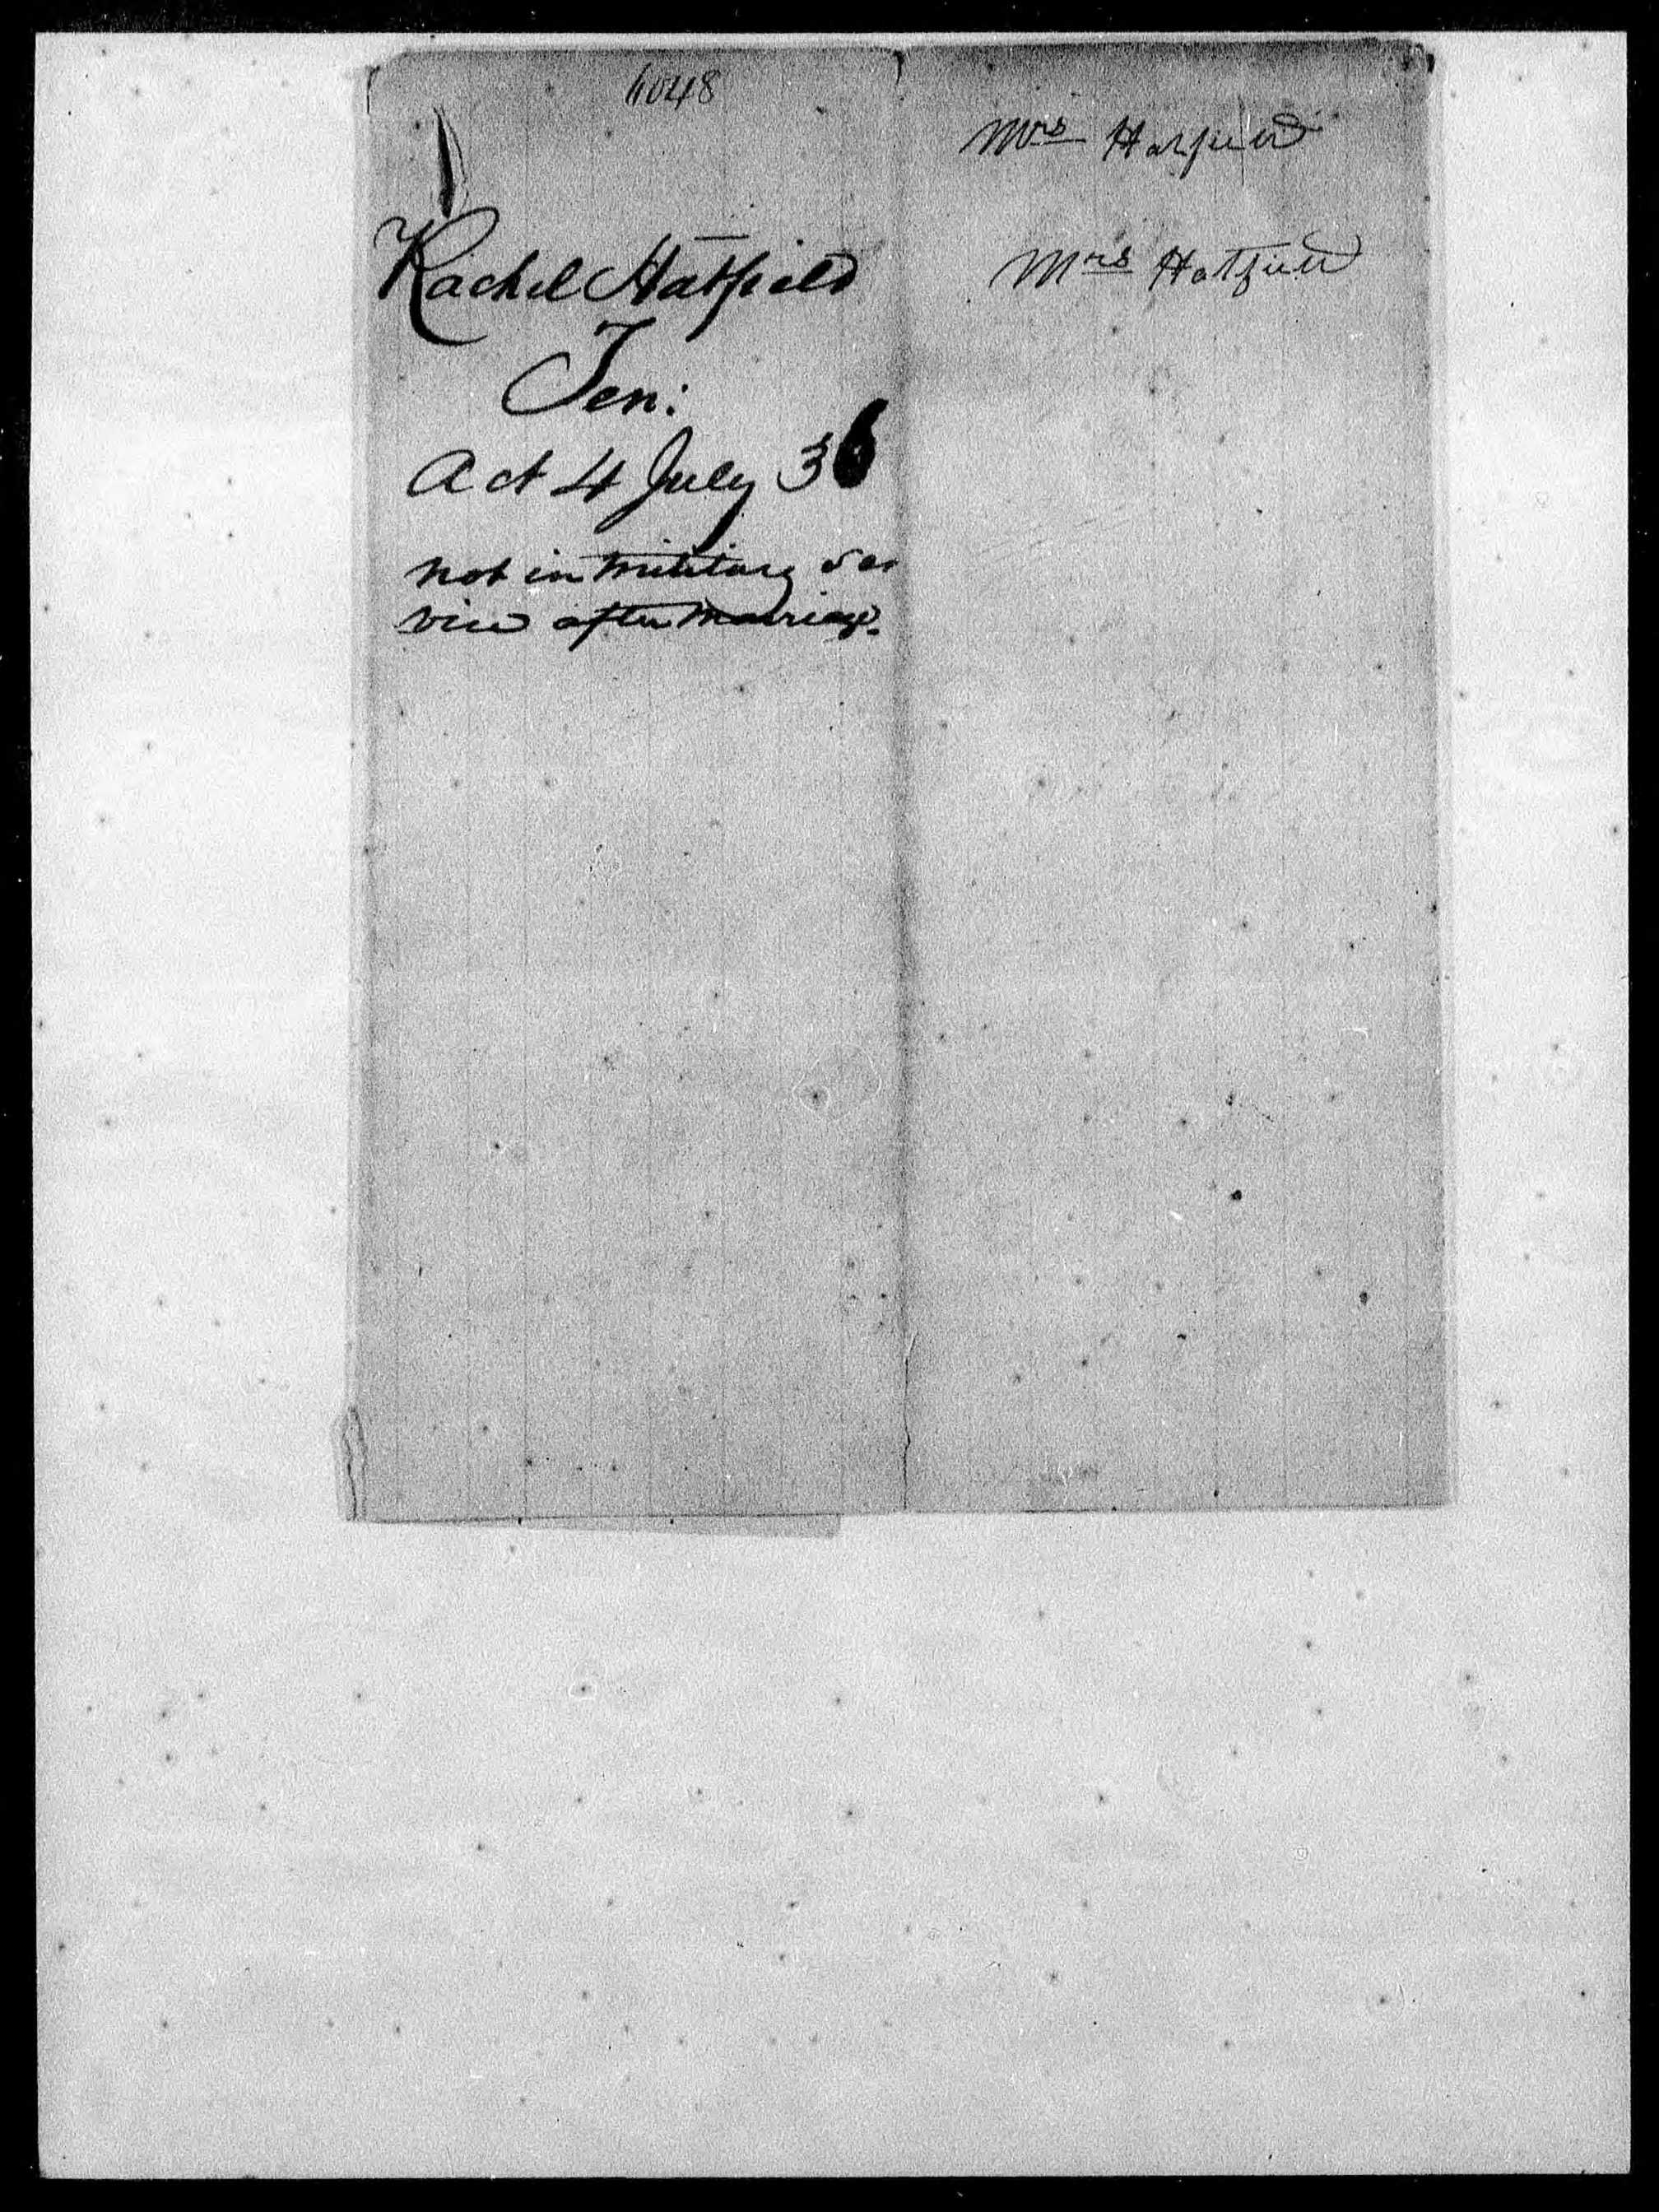4048
Mrs. Hatfield
Rachel Hatfield Mrs. Hatfield
Ten:
Act 4 July 36
Not in Military Ser
vice after marriage.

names: Hatfield, Hatfield, Rachel Hatfield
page: 60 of 74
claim: widow's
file: W. 5, Joseph Hatfield, Va.